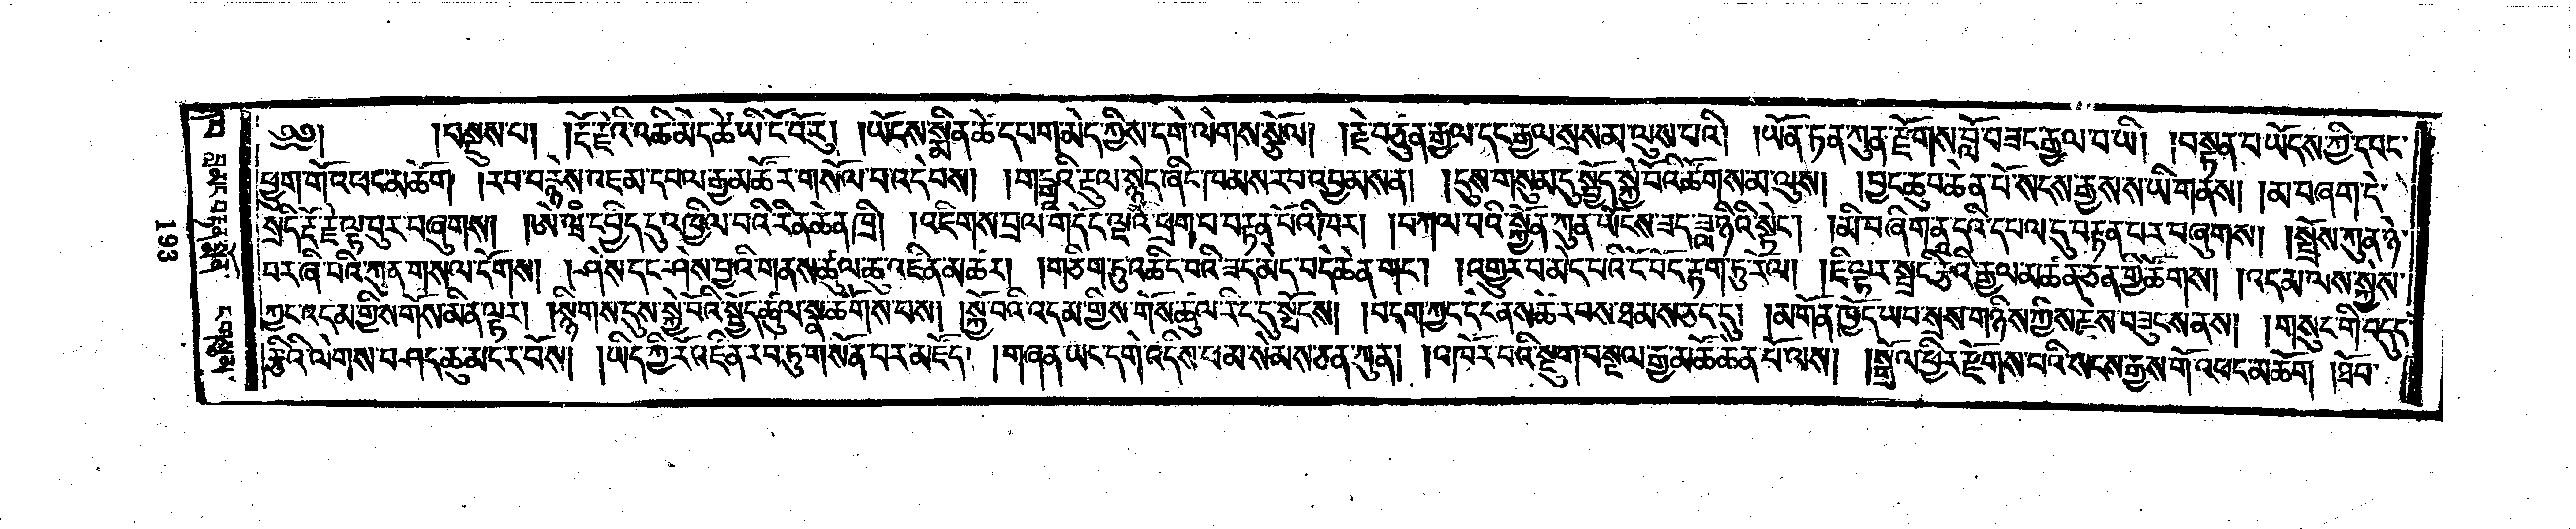༄༅། །བསྡུས་པ། །རྡོ་རྗེའི་འཆི་མེད་ཚེ་ཡི་ངོ་བོ་རུ། །ཡོངས་སྨིན་ཚེ་དཔག་མེད་ཀྱིས་དགེ་ལེགས་སྩོལ། །རྗེ་བཙུན་རྒྱལ་དང་རྒྱལ་སྲས་མ་ལུས་པའི། །ཡོན་ཏན་ཀུན་རྫོགས་བློ་བཟང་རྒྱལ་བ་ཡི། །བསྟན་པ་ཡོངས་ཀྱི་དབང་
ཕྱུག་གོ་འཕང་མཆོག །རབ་བརྙེས་འཇམ་དཔལ་རྒྱ་མཚོར་གསོལ་བ་འདེབས། །གངའི་རྔུལ་སྙེད་ཞིང་ཁམས་རབ་འབྱམས་ན། །དུས་གསུམ་དུ་སྤྱོད་སྐྱེ་བོའི་ཚོགས་མ་ལུས། །བྱང་ཆུབ་ཆེན་པོ་སངས་རྒྱས་ས་ཡི་གནས། །མ་བཞག་དེ་
སྲིད་རྡོ་རྗེ་ལྟ་བུར་བཞུགས། །ཨེ་ཝཾ་དབྱིད་དུ་འཁྱིལ་བའི་རིན་ཆེན་ཁྲི། །འཇིགས་བྲལ་གདོང་ལྔའི་ཕྲག་པ་བརྟན་པོའི་ཁར། །བཀལ་བའི་སྐྱོན་ཀུན་ཡོངས་ཟད་ཟླ་ཉིའི་སྟེང་། །མི་བཞིག་ནཱ་དའི་དཔལ་དུ་བརྟན་པར་བཟུགས་།སྤྲོས་ཀུན་ཉེ་
བར་ཞི་བའི་ཀུན་གསལ་དོགས། །ཤེས་དང་ཤེས་བྱའི་གནས་ཚུལ་ཆུ་འཛིན་མཚར། །གཅིག་ཏུ་འཆིང་བའི་ཟད་མེད་བདེ་ཆེན་གང་། །འགྱུར་བ་མེད་པའི་ངོ་བོང་རྟག་ཏུ་རོལ། །ཇི་ལྟར་སྦྲང་རྩིའི་རྒྱལ་མཚན་ཅན་གྱི་ཚོགས། །འདམ་ལས་སྐྱེས་
ཀྱང་འདམ་གྱིས་གོས་མིན་ལྟར། །སྙིགས་དུས་སྐྱེ་བོའི་སྤྱོད་ཚུལ་སྣ་ཚོགས་པས། །སྐྱོ་བའི་འདམ་གྱིས་གོས་ཚུལ་རིང་དུ་སྤོངས། །བདག་ཀྱང་དེང་ནས་ཚེ་རབས་ཐམས་ཅད་དུ། །མགོན་ཁྱོད་ཡབ་སྲས་གཉིས་ཀྱིས་རྗེས་བཟུངས་ནས། །གསུང་གི་བདུད་
རྩིའི་ལེགས་བཤད་ཆུ་མངར་བོས། །ཡིད་ཀྱི་རོ་འཛིན་རབ་ཏུ་གསོན་པར་མཛོད། །གཞན་ཡང་དགེ་འདིས་ཕ་མ་སེམས་ཅན་ཀུན། །འཁོར་བའི་སྡུག་བསྔལ་རྒྱ་མཚོ་ཆེན་པོ་ལས། །སྒྲོལ་ཕྱིར་རྫོགས་པའི་སངས་རྒྱས་གོ་འཕང་མཆོག །ཐོབ་